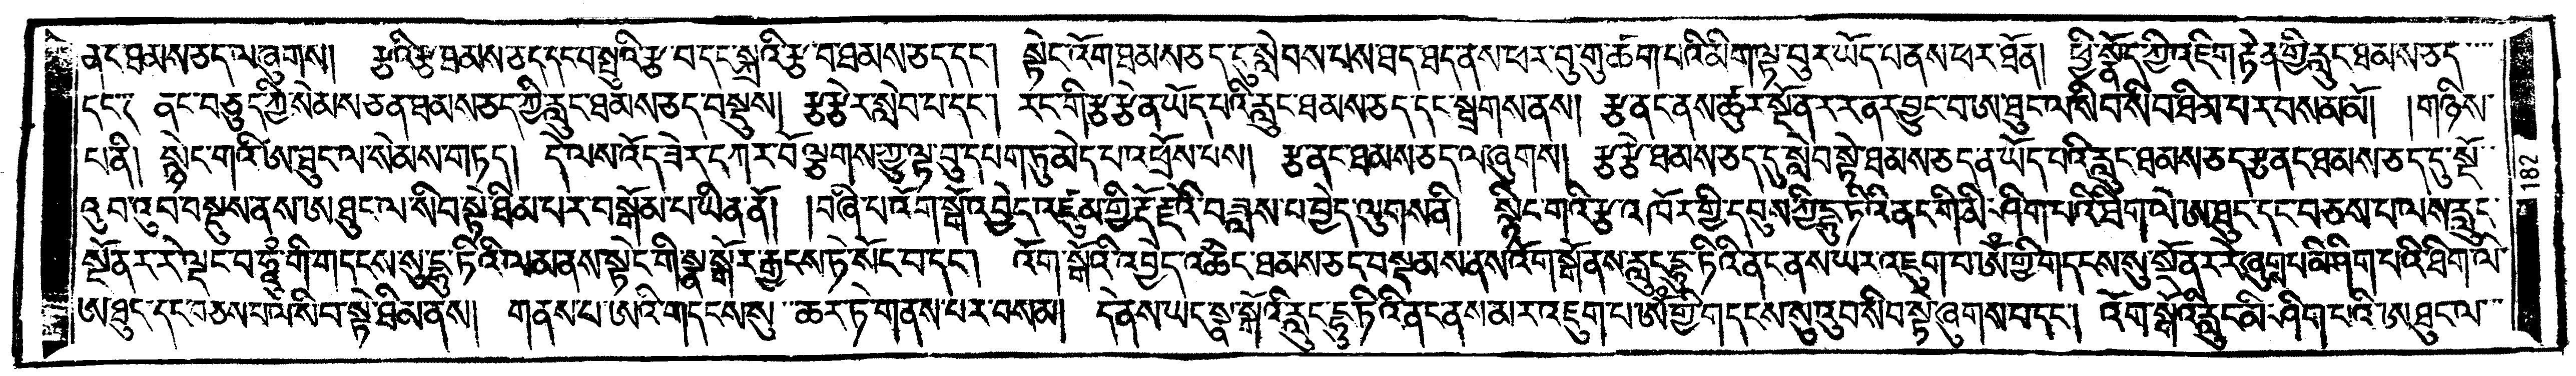ནང་ཐམས་ཅད་ལ་ཞུགས། རྩའི་རྩ་ཐམས་ཅད་དང་བ་སྤུའི་རྩ་བ་དང་སྐྲའི་རྩ་བ་ཐམས་ཅད་དང་། སྟེང་འོག་ཐམས་ཅད་དུ་སླེབས་པས་ཐད་ཐད་ནས་ཕར་བུ་གུ་ཚག་པའི་མིག་ལྟ་བུར་ཡོད་པ་ནས་ཕར་ཐོན། ཕྱི་སྣོད་ཀྱི་འཇིག་རྟེན་གྱི་རླུང་ཐམས་ཅད་
དང༑ ནང་བཅུད་ཀྱི་སེམས་ཅན་ཐམས་ཅད་ཀྱི་རླུང་ཐམས་ཅད་བསྡུས། རྩ་རྩེར་སླེབ་པ་དང་། རང་གི་རྩ་རྩེན་ཡོད་པའི་རླུང་ཐམས་ཅད་དང་སྦྲགས་ནས། རྩ་ནང་ནས་ཚུར་སྔོན་རར་ནར་བྱུང་བ་ཨ་ཐུང་ལ་སིབ་སིབ་ཐིམ་པར་བསམ་མོ། །གཉིས་
པ་ནི། སྙིང་གའི་ཨ་ཐུང་ལ་སེམས་གཏད། དེ་ལས་འོད་ཟེར་དཀར་པོ་ལྕགས་ཀྱུ་ལྟ་བུ་དཔག་ཏུ་མེད་པ་འཕྲོས་པས། རྩ་ནང་ཐམས་ཅད་ལ་ཞུགས། རྩ་རྩེ་ཐམས་ཅད་དུ་སླེབ་སྟེ་ཐམས་ཅད་ན་ཡོད་པའི་རླུང་ཐམས་ཅད་རྩ་ནང་ཐམས་ཅད་དུ་སྡོ་
འུབ་འུབ་བསྡུས་ནས་ཨ་ཐུང་ལ་སིབ་སྟེ་ཐིམ་པར་བསྒོམ་པ་ཡིན་ནོ། །བཞི་པ་འོག་སྒོ་འབྱེད་འཛུམ་གྱི་རྡོ་རྗེའི་བཟླས་པ་བྱེད་ལུགས་ནི། སྙིང་གའི་རྩ་འཁོར་གྱི་དབུས་ཀྱི་དྷུ་ཏིའི་ནང་གི་མི་ཤིག་པའི་ཐིག་ལེ་ཨ་ཐུང་དང་བཅས་པ་ལས་རླུང་
སྔོན་ར་རེ་ལྡང་བ་ཧཱུཾ་གི་གདངས་སུ་དྷུ་ཏིའི་ལམ་ནས་སྟེང་གི་སྣ་སྒོར་རྒྱངས་ཏེ་སོང་བ་དང་། འོག་སྒོའི་འབྱེད་འཆིང་ཐམས་ཅད་བསྡམས་ནས་འོག་སྒོ་ནས་རླུང་དྷུ་ཏིའི་ནང་ནས་ཡར་འཇུག་པ་ཨོཾ་གྱི་གདངས་སུ་སྔོ་ནར་རེ་ཞུགས་པ་མི་ཤིག་བའི་ཐིག་ལེ་
ཨ་ཐུང་དང་བཅས་པ་ལ་སིབ་སྟེ་ཐིམ་ནས། གནས་པ་ཨཱི་གདངས་སུ་ཆར་ཏེ་གནས་པར་བསམ། དེ་ནས་ཡང་སྣ་སྒོའི་རླུང་དྷུ་ཏིའི་ནང་ནས་མར་འཇུག་པ་ཨོཾ་གྱི་གདངས་སུ་འུབ་སིབ་སྟེ་ཞུགས་པ་དང་། འོག་སྒོའི་རླུང་མི་ཤིག་པའི་ཨ་ཐུང་ལ་